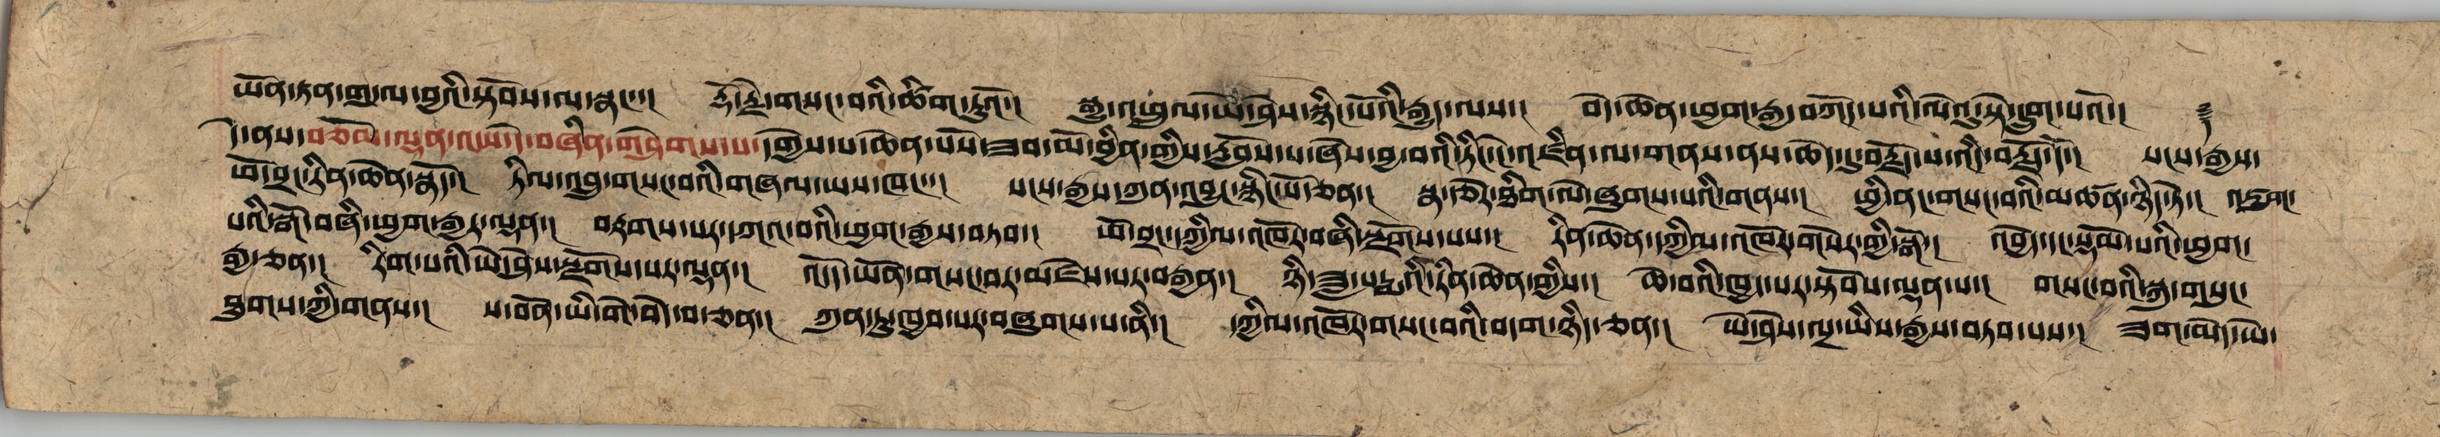ཡོན་ཏན་གདུལ་བྱའི་སྟོབས་ལ་སྣང་་། རྡོ་རྗེ་གསང་བའི་ཚིག་ཏུའོ་། སྒྱུ་འཕྲུལ་ཡེ་ཤེས་སྙིང་པོའི་རྒྱུད་ལས་། བདེ་ཆེན་ཕྱག་རྒྱ་བཀོད་པའི་ལེའུ་སྟེ་དྲུག་པའོ་། ࿑
དེ་ནས་བཅོམ་ལྡན་འདས་དེ་བཞིན་གཤེགས་པ་དགྱེས་པ་ཆེན་པོས་ཟབ་མོ་བྱིན་གྱིས་རློབས་པ་ཞེས་བྱ་བའི་ཏིང་ངེ་འཛིན་ལ་གནས་ནས་ཆེད་དུ་བརྗོད་པ་འདི་བརྗོད་དོ་། སངས་རྒྱས་
ཕོ་བྲང་རིན་ཆེན་སྣོད་། ཏིལ་འབྲུ་གསང་བའི་གཞལ་ཡས་ཁང་་། སངས་རྒྱས་ཀུན་འབྱུང་སྙིང་པོ་ཅན་། སྣ་རྩེར་ཐིག་ལེ་ཞུགས་པའི་གནས་། ཕྱི་ནང་གསང་བའི་མཚན་ཉིད་སྟེ་། འཇུག་
པའི་སྒོ་བཞི་ཕྱག་རྒྱར་ལྡན་། བརྟགས་པར་དཀའ་བའི་ཕྱག་རྒྱས་བཏབ་། ཕོ་བྲང་དཀྱིལ་འཁོར་བཞི་སྫོགས་པས་། རིན་ཆེན་དཀྱིལ་འཁོར་གསེར་གྱི་སྒོ་། འབྱེད་དང་སྡོམ་པའི་ཕྱག་
རྒྱ་ཅན་། རིག་པའི་ཡེ་ཤེས་སྫོགས་པར་ལྡན་། འདོད་ཡོན་གསང་བར་མཛེས་པར་བརྒྱན་། ཉི་ཟླ་པདྨའི་རིན་ཆེན་གྱིས་། ཆེ་བའི་ཁྱད་པར་སྟོབས་ལྡན་པ་། གསང་བའི་སྐུ་གསུང་
ཐུགས་ཀྱི་གནས་། ས་བོན་ཡི་གེ་བདེ་བ་ཅན་། ཀུན་ཏུ་ཁྱབ་པར་བཞུགས་པ་ནི་། དཀྱིལ་འཁོར་གསང་བའི་བདག་ཉིད་ཅན་། ཡེ་ཤེས་ལྔ་ཡིས་རྒྱས་བཏབ་པས་། ཟག་མེད་ཡེ་